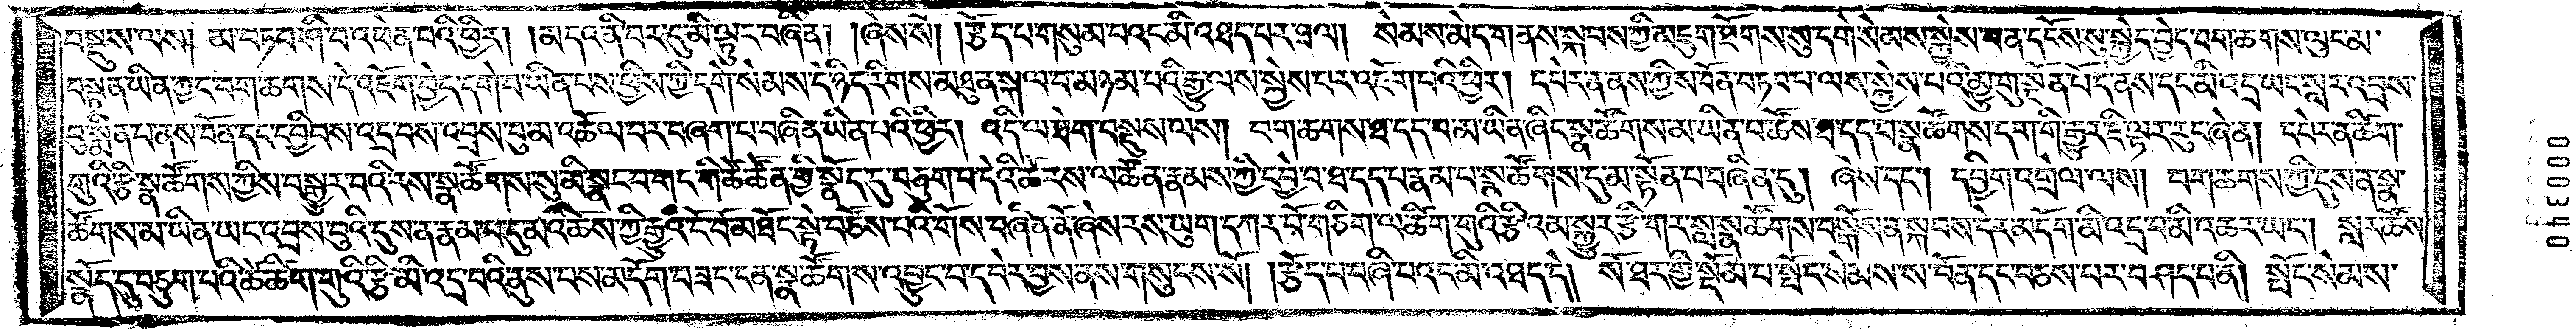བསྡུས་ལས། མ་བཏབ་ཤི་བ་འཕེན་པའི་ཕྱིར། །མདའ་ནི་བར་དུ་མི་ལྟུང་བཞིན། །ཞེས་སོ། །རྩོད་པ་གསུམ་པའང་མི་འཐད་བར་ཐལ། སེམས་མེད་གནས་སྐབས་ཀྱི་མཇུག་ཐོགས་སུ་དགེ་སེམས་སྐྱེས་པ་ན་དངོས་སུ་སྐྱེད་བྱེད་བག་ཆགས་ལུང་མ་
བསྟན་ཡིན་ཀྱང་བག་ཆགས་དེ་འཇོག་བྱེད་དགེ་བ་ཡིན་པས་ཕྱིས་ཀྱི་དགེ་སེམས་དེ་ཉིད་རིགས་མཐུན་སྐལ་བ་མཉམ་པའི་རྒྱུ་ལས་སྐྱེས་པར་འཇོག་པའི་ཕྱིར། དཔེར་ན་ནས་ཀྱི་ས་བོན་བཏབ་པ་ལས་སྐྱེས་པའི་མྱུ་གུ་སྔོན་པོ་དེ་ནས་དང་མི་འདྲ་ཡང་སླར་འབྲས་
བུ་སྨིན་པ་ན་ས་བོན་དང་དབྱིབས་འདྲ་བས་འབྲས་བུ་མ་འཆོལ་བར་བཞག་པ་བཞིན་ཡིན་པའི་ཕྱིར། འདི་ལ་ཐེག་བསྡུས་ལས། བག་ཆགས་ཐ་དད་པ་མ་ཡིན་ཞིང་སྣ་ཚོགས་མ་ཡིན་པ་ཚོས་ཐ་དད་པ་སྣ་ཚོགས་དག་གི་རྒྱུར་ཇི་ལྟར་རུང་ཞེ་ན། དཔེར་ན་ཚིག་
གུའི་རྩི་སྣ་ཚོགས་ཀྱིས་བསྒྱུར་བའི་ནས་སྣ་ཚོགས་སུ་མི་སྣང་བ་གང་གི་ཚེ་ཚོན་གྱི་སྣོད་དུ་བཅུག་པ་དེའི་ཚེ་རས་ལེ་ཚོན་རྣམས་ཀྱི་དབྱེ་བ་ཐ་དད་པ་རྣམ་པ་སྣ་ཚོགས་དུ་མ་སྟོན་པ་བཞིན་དུ། ཞེས་དང་། དབྱིག་འགྲེལ་ལས། བག་ཆགས་ཀྱི་དུས་ན་སྣ་
ཚོགས་མ་ཡིན་ཡང་འབྲས་བུའི་དུས་ན་རྣམ་པ་དུ་མའི་ཆོས་ཀྱི་རྒྱུའི་ངོ་བོ་མཐོང་སྟེ་གཙོས་པའི་གོས་བཞིན་ནོ་ཞེས་རས་ཡུག་དཀར་པོ་གཅིག་ལ་ཚིག་གུའི་རྩིའམ་སྐྱུར་རྩི་གར་སླ་སྣ་ཚོགས་བསྒོས་ན་སྐབས་དེར་མདོག་མི་འདྲ་བ་མི་འཆར་ཡང་། སླར་ཚོས་
སྣོད་དུ་བཅུག་པའི་ཚེ་ཚིག་གུའི་རྩི་མི་འདྲ་བའི་ནུས་བསམ་མདོག་བཟང་ངན་སྣ་ཚོགས་འབྱུང་བ་དཔེར་བྱས་ནས་གསུངས་སོ། །རྩོད་པ་བཞི་བའང་མི་འཐད་དེ། སོ་ཐར་གྱི་སྡོམ་པ་སྤོང་སེམས་ས་བོན་དང་བཅས་པར་བཤད་པ་ནི། སྤོང་སེམས་